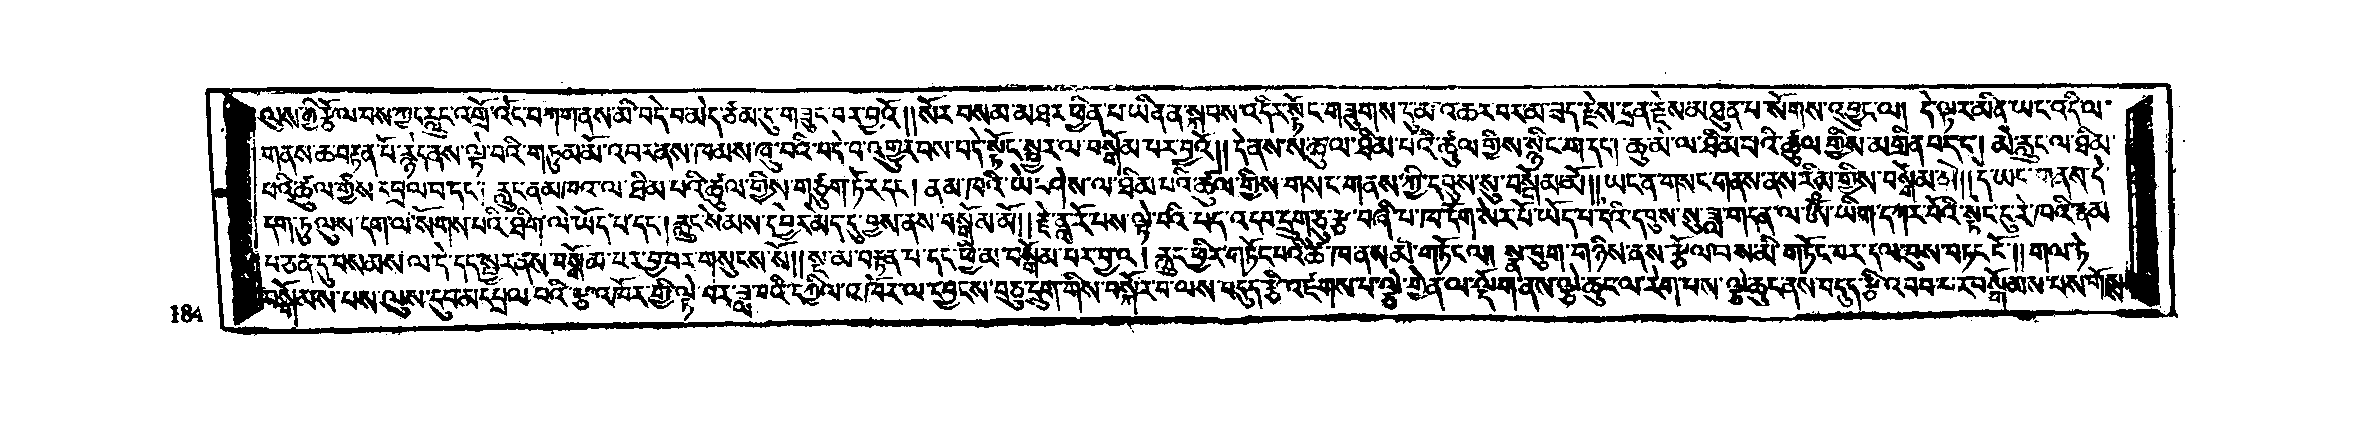ལུས་ཀྱི་རྩོལ་བས་ཀྱང་རླུང་འགྲོ་འོང་བཀག་ནས་མི་བདེ་བ་མེད་ཙམ་དུ་གཟུང་བར་བྱའོ། །སོར་བསམ་མཐར་ཕྱིན་པ་ཡིན་ན་སྐབས་འདིར་སྟོང་གཟུགས་དུ་མ་འཆར་བར་མ་ཟད་རྗེས་དྲན་རྗེས་མཐུན་པ་སོགས་འབྱུང་ལ། དེ་ལྟར་མིན་ཡང་འདི་ལ་
གནས་ཆ་བརྟན་པོ་རྙེད་ནས་ལྟེ་བའི་གཏུམ་མོ་འབར་ནས་ཁམས་ཞུ་བའི་བདེ་བ་འགྱུར་བས་བདེ་སྟོང་སྦྱར་ལ་བསྒོམ་པར་བྱའོ། །དེ་ནས་ས་ཆུ་ལ་ཐིམ་པའི་ཚུལ་གྱིས་སྙིང་ག་དང་། ཆུ་མེ་ལ་ཐིམ་པའི་ཚུལ་གྱིས་མགྲིན་པ་དང་། མེ་རླུང་ལ་ཐིམ་
པའི་ཚུལ་གྱིས་དབྲལ་བ་དང་། རླུང་ནམ་མཁའ་ལ་ཐིམ་པའི་ཚུལ་གྱིས་གཙུག་ཏོར་དང་། ནམ་མཁའི་ཡེ་ཤེས་ལ་ཐིམ་པའི་ཚུལ་གྱིས་གསང་གནས་ཀྱི་དབུས་སུ་བསྒོམ་མོ། །ཡང་ན་གསང་གནས་ནས་རིམ་གྱིས་བསྒོམ་མོ། །དེ་ཡང་གནས་དེ་
དག་ཏུ་ལུས་དག་ལ་སོགས་པའི་ཐིག་ལེ་ཡོད་པ་དང་། རླུང་སེམས་དབྱེར་མེད་དུ་བྱས་ནས་བསྒོམ་མོ། །རྗེ་ནཱ་རོ་པས་ལྟེ་བའི་པད་འདབ་དྲུག་ཅུ་རྩ་བཞི་པ་ཁ་དོག་སེར་པོ་ཡོད་པ་དེའི་དབུས་སུ་ཟླ་གདན་ལ་ཨོཾ་ཡིག་དཀར་པོའི་སྟེང་དུ་རེ་ཁའི་རྣམ་
པ་ཅན་དུ་བསམས་ལ་དེ་དང་སྦྱར་ནས་བསྒོམ་པར་བྱ་བར་གསུངས་སོ། །སྔ་མ་བརྟན་པ་དང་ཕྱི་མ་བསྒོམ་པར་བྱའོ། །རླུང་ཕྱིར་གཏོང་པའི་ཚེ་ཁ་ནས་མི་གཏོང་ལ། སྣ་བུག་གཉིས་ནས་རྩོལ་བས་མི་གཏོང་བར་དལ་བུས་བཏང་ངོ། །གལ་ཏེ་
བསྒོམས་པས་ལུས་དབུ་མ་དཔྲལ་བའི་རྩ་འཁོར་གྱི་ལྟེ་བར་ཟླ་བའི་དཀྱིལ་འཁོར་ལ་དབྱངས་བཅུ་དྲུག་གིས་བསྐོར་བ་ལས་བདུད་རྩི་འཛགས་པ་ལྕེ་གྱེན་ལ་ལྡོག་ནས་ལྕེ་ཆུང་ལ་རེག་པས་ལྕེ་ཆུང་ནས་བདུད་རྩི་འབབ་པར་བསྒོམས་པས་གོམས་